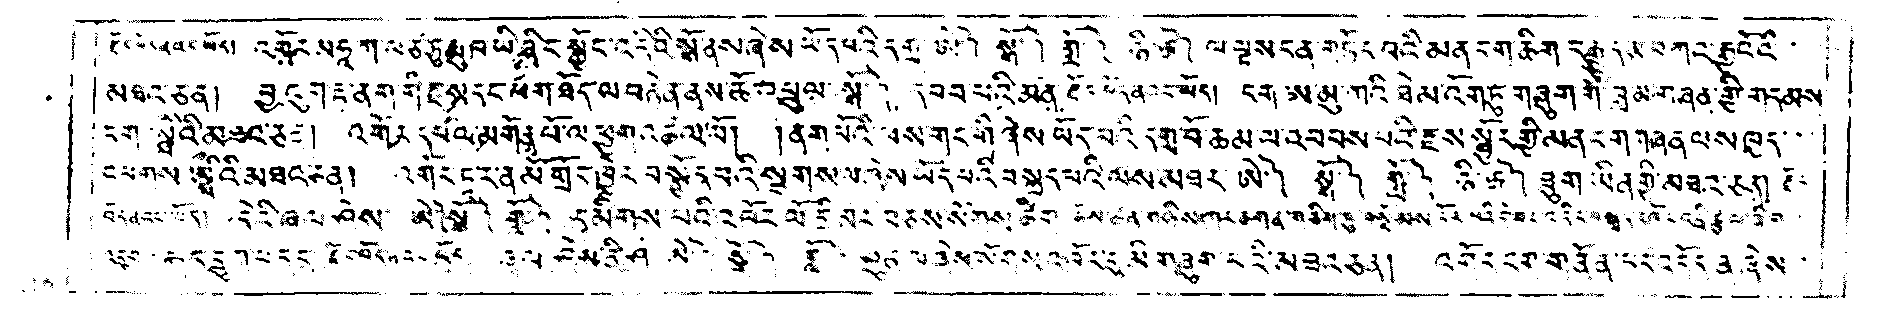རྫོང་པོད་ནའང་ཡོད།  འགོར་མཧཱ་ཀ་ལ་ཙ་ཏུ་རྨུ་ཁ་ཡི་ཞིང་སྐྱོང་འདིའི་སྒོ་ནས་ཞེས་ཡོད་པའི་དགྲ་ཨ྄ེ་སྒ྄ོ་གླ྄ོ་ཉི~྾?་ལ་ལྟས་ངན་གཏོང་བའི་མན་ངག་ཆིག་བརྒྱུད་མ་བཀའ་རྒྱའོའི་
མཐའ་ཅན། བྱ་འུག་རྟ་ནག་གི་རྫས་དང་ཕག་ཐོད་ལ་བརྟེན་ནས་ཆོ་འཕྲུལ་སྒ྄ོ་དབབ་པའི་མན་རྫོང་པོད་ནའང་ཡོད།  ངག་ཨ་མུ་བའི་ཐེམ་འོག་ཏུ་གཞུག་གོ་བླ་མ་གཞན་གྱི་གདམས་
ངག་ཨྀཐིའི་མཐའ་ཅན། འགོར་དཔལ་མགོན་པོ་ལ་ཕྱག་འཚལ་ལོ། །ནག་པོའི་ལས་གང་གི་ཞེས་ཡོད་པའི་དགྲ་བོ་ཆམ་ལ་འབབས་པའི་རྫས་སྦྱོར་གྱི་མན་ངག་གཞན་ལས་ཁྱད་
འཕགས་ཨྀཐིའི་མཐའ་ཅན། འགོར་ཏཱ་ར་ན་མོ་གྲོང་ཁྱེར་བསྐྱོད་པའི་སྔགས་ལ་ཞེས་ཡོད་པའི་བསྐྲད་པའི་ལས་མཐར་ཨ྄ེ་སྒ྄ོ་གླ྄ོ་ཉི~྾?་ཐུག་ཡིན་གྱི་མཐའ་ཅན། རྫོང་
པོད་ནའང་ཡོད། དེའི་ཞལ་ཤེས་ཨ྄ེ་སྒ྄ོ་གླ྄ོ་དམིགས་པའི་འཁོར་ལོ་དྲི་མར་བཅས་སོགས་ཚིག་ཆོས་ཚན་གཉིས་དཀར་ཆག་ན་གཅིག་ཏུ་བསྡོམས་ངོར་པའི་དེ་བར་འདིར་བསྐྲད་འཁོར་འདྲི་ཚུལ་ཞིག་
འདུག ། རྐང་དྲུག་པ་དང་རྫོང་པོད་ནའང་ཡོད།  ཞལ་ཤེས་ནི་ཤ་ཨ྄ེ་སྒ྄ོ་གླ྄ོ་ཤུན་ལ་ཞེས་སོགས་འཁོར་དུ་མི་གཞུག་པའི་མཐའ་ཅན། འགོར་ངག་གནོན་པར་འདོད་ན་ཞེས་